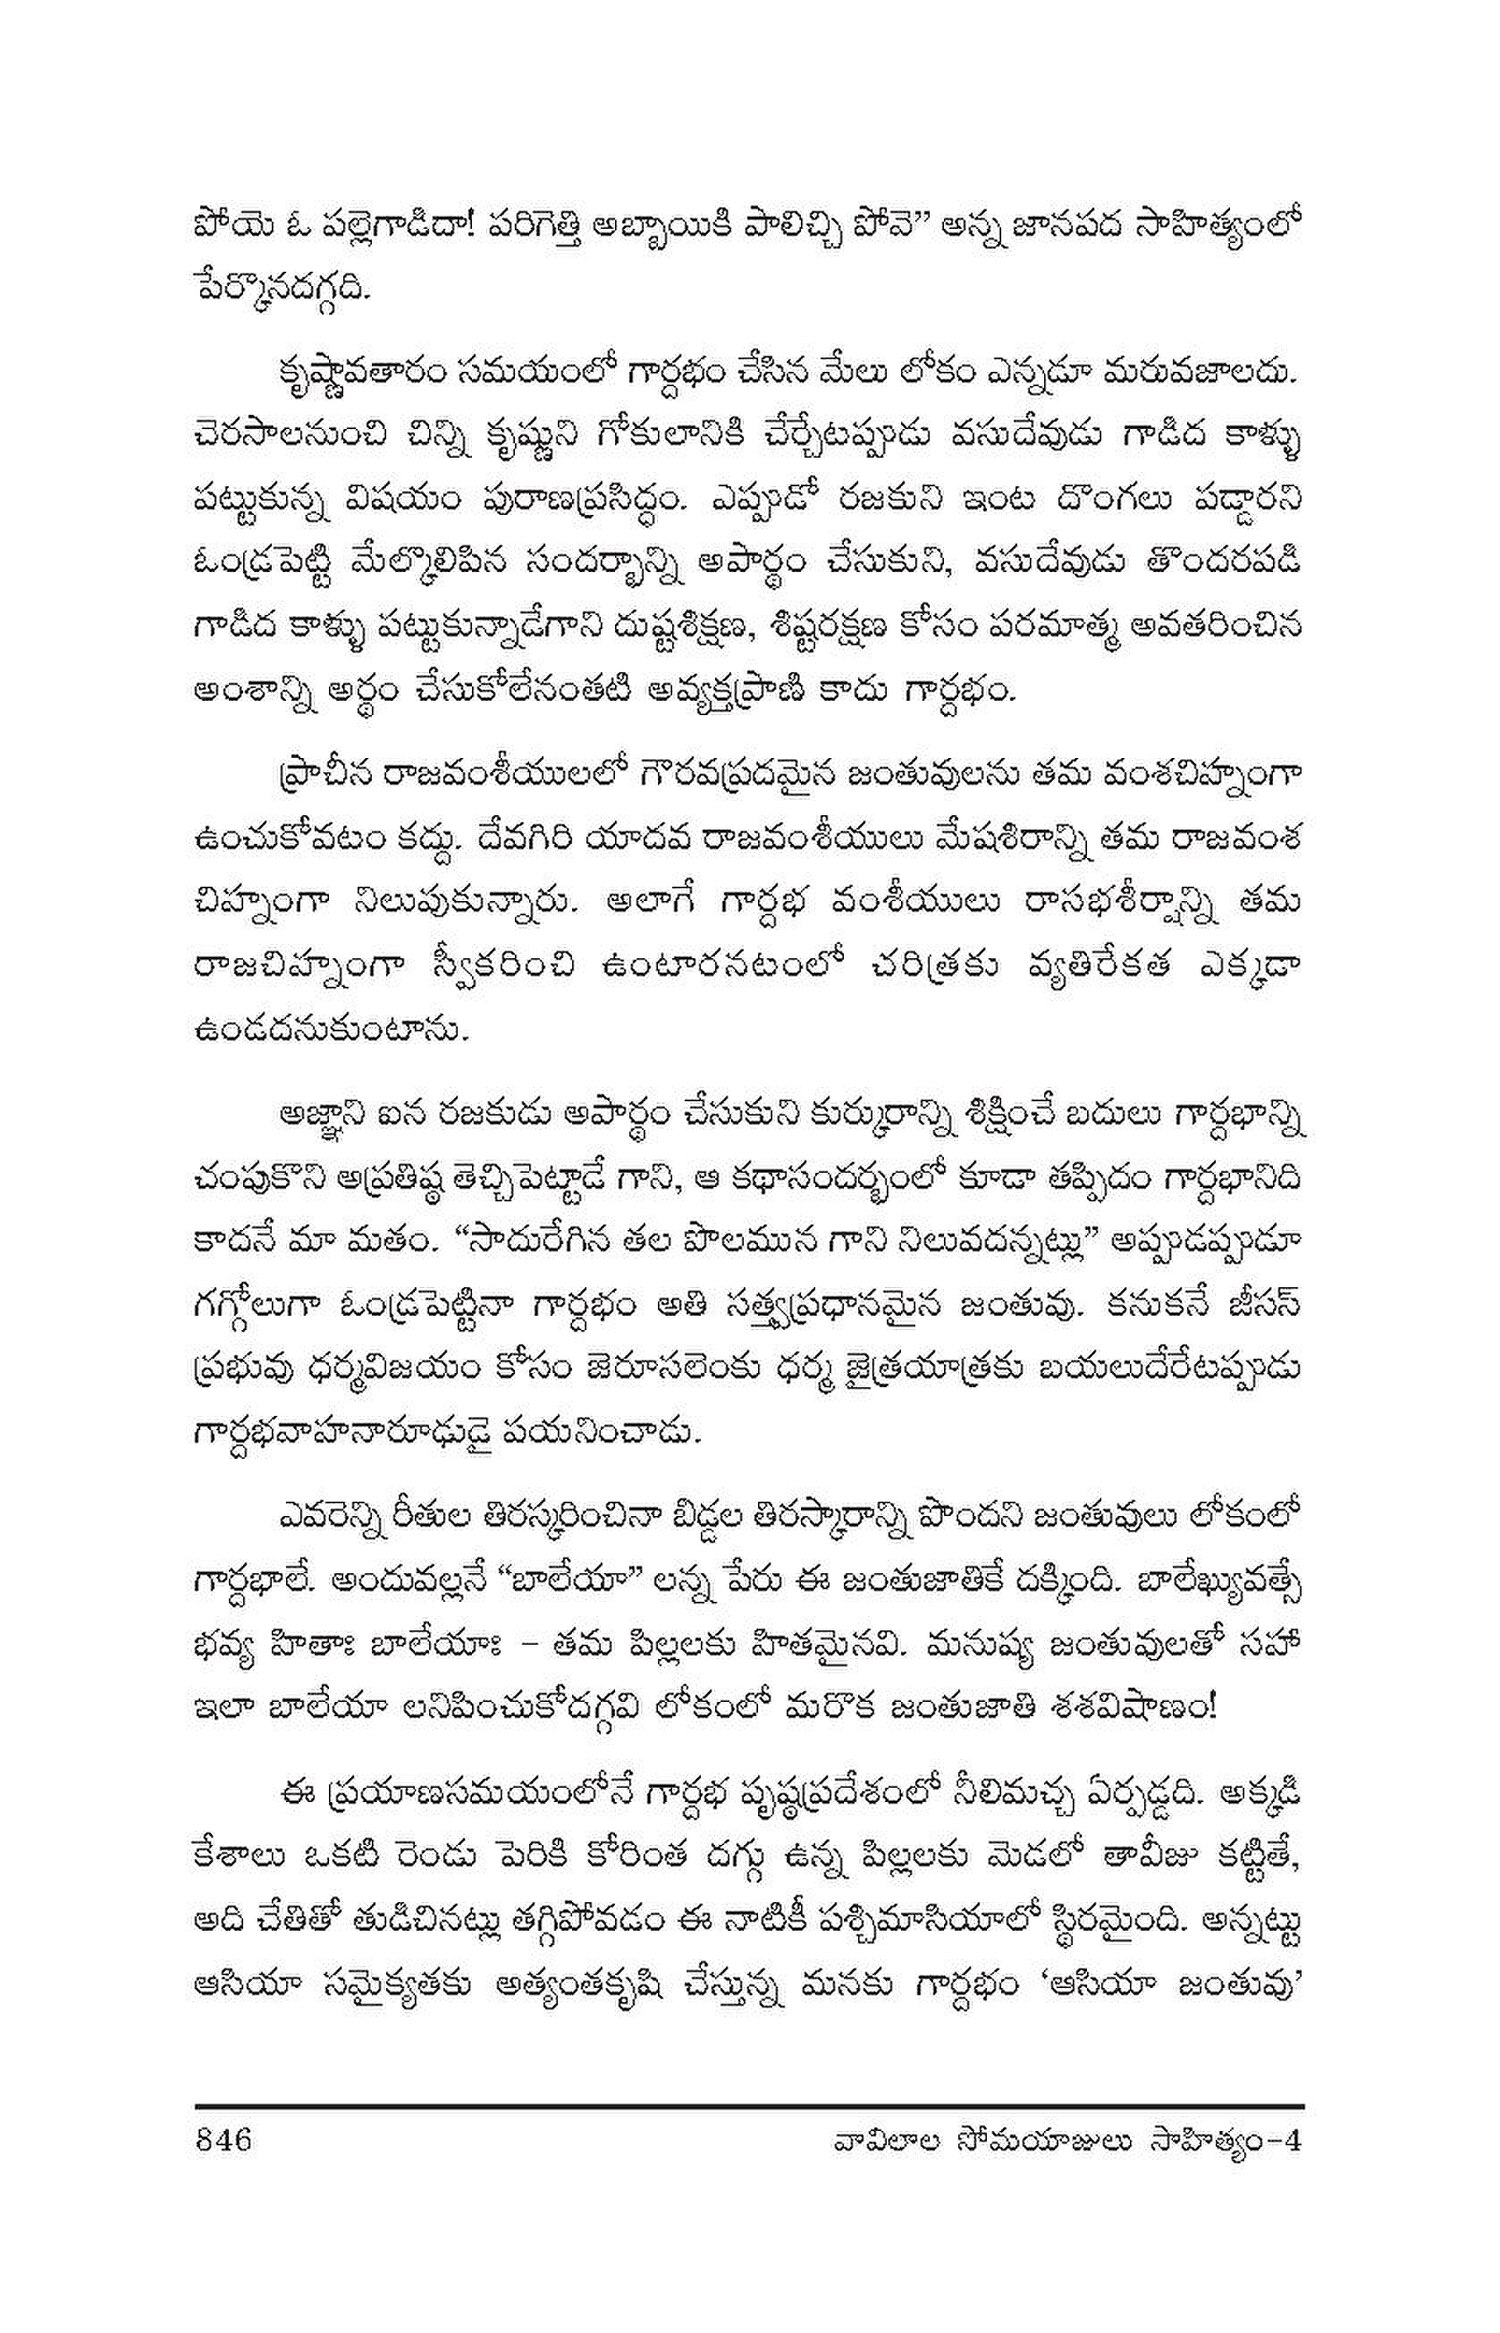పోయె ఓ పల్లెగాడిదా! పరిగెత్తి అబ్బాయికి పాలిచ్చి పోవె” అన్న జానపద సాహిత్యంలో పేర్కొనదగ్గది.

కృష్ణావతారం సమయంలో గార్దభం చేసిన మేలు లోకం ఎన్నడూ మరువజాలదు.
చెరసాలనుంచి చిన్ని కృష్ణుని గోకులానికి చేర్చేటప్పుడు వసుదేవుడు గాడిద కాళ్ళు
పట్టుకున్న విషయం పురాణప్రసిద్ధం. ఎప్పుడో రజకుని ఇంట దొంగలు పడ్డారని
ఓండ్రపెట్టి మేల్కొలిపిన సందర్భాన్ని అపార్థం చేసుకుని, వసుదేవుడు తొందరపడి
గాడిద కాళ్ళు పట్టుకున్నాడేగాని దుష్టశిక్షణ, శిష్టరక్షణ కోసం పరమాత్మ అవతరించిన
అంశాన్ని అర్థం చేసుకోలేనంతటి అవ్యక్తప్రాణి కాదు గార్దభం.

ప్రాచీన రాజవంశీయులలో గౌరవప్రదమైన జంతువులను తమ వంశచిహ్నంగా
ఉంచుకోవటం కద్దు. దేవగిరి యాదవ రాజవంశీయులు మేషశిరాన్ని తమ రాజవంశ
చిహ్నంగా నిలుపుకున్నారు. అలాగే గార్దభ వంశీయులు రాసభశీర్షాన్ని తమ
రాజచిహ్నంగా స్వీకరించి ఉంటారనటంలో చరిత్రకు వ్యతిరేకత ఎక్కడా
ఉండదనుకుంటాను.

అజ్ఞాని ఐన రజకుడు అపార్థం చేసుకుని కుర్కురాన్ని శిక్షించే బదులు గార్దభాన్ని
చంపుకొని అప్రతిష్ఠ తెచ్చిపెట్టాడే గాని, ఆ కథాసందర్భంలో కూడా తప్పిదం గార్దభానిది
కాదనే మా మతం. “సాదురేగిన తల పొలమున గాని నిలువదన్నట్లు" అప్పుడప్పుడూ
గగ్గోలుగా ఓండ్రపెట్టినా గార్దభం అతి సత్వప్రధానమైన జంతువు. కనుకనే జీసస్
ప్రభువు ధర్మవిజయం కోసం జెరూసలెంకు ధర్మ జైత్రయాత్రకు బయలుదేరేటప్పుడు
గార్దభవాహనారూఢుడై పయనించాడు.

ఎవరెన్ని రీతుల తిరస్కరించినా బిడ్డల తిరస్కారాన్ని పొందని జంతువులు లోకంలో
గార్దభాలే. అందువల్లనే “బాలేయా” లన్న పేరు ఈ జంతుజాతికే దక్కింది. బాలేఖ్యువత్సే
భవ్య హితాః బాలేయాః - తమ పిల్లలకు హితమైనవి. మనుష్య జంతువులతో సహా
ఇలా బాలేయా లనిపించుకోదగ్గవి లోకంలో మరొక జంతుజాతి శశవిషాణం!

ఈ ప్రయాణసమయంలోనే గార్దభ పృష్ఠప్రదేశంలో నీలిమచ్చ ఏర్పడ్డది. అక్కడి
కేశాలు ఒకటి రెండు పెరికి కోరింత దగ్గు ఉన్న పిల్లలకు మెడలో తావీజు కట్టితే,
అది చేతితో తుడిచినట్లు తగ్గిపోవడం ఈ నాటికీ పశ్చిమాసియాలో స్థిరమైంది. అన్నట్టు
ఆసియా సమైక్యతకు అత్యంతకృషి చేస్తున్న మనకు గార్దభం 'ఆసియా జంతువు'